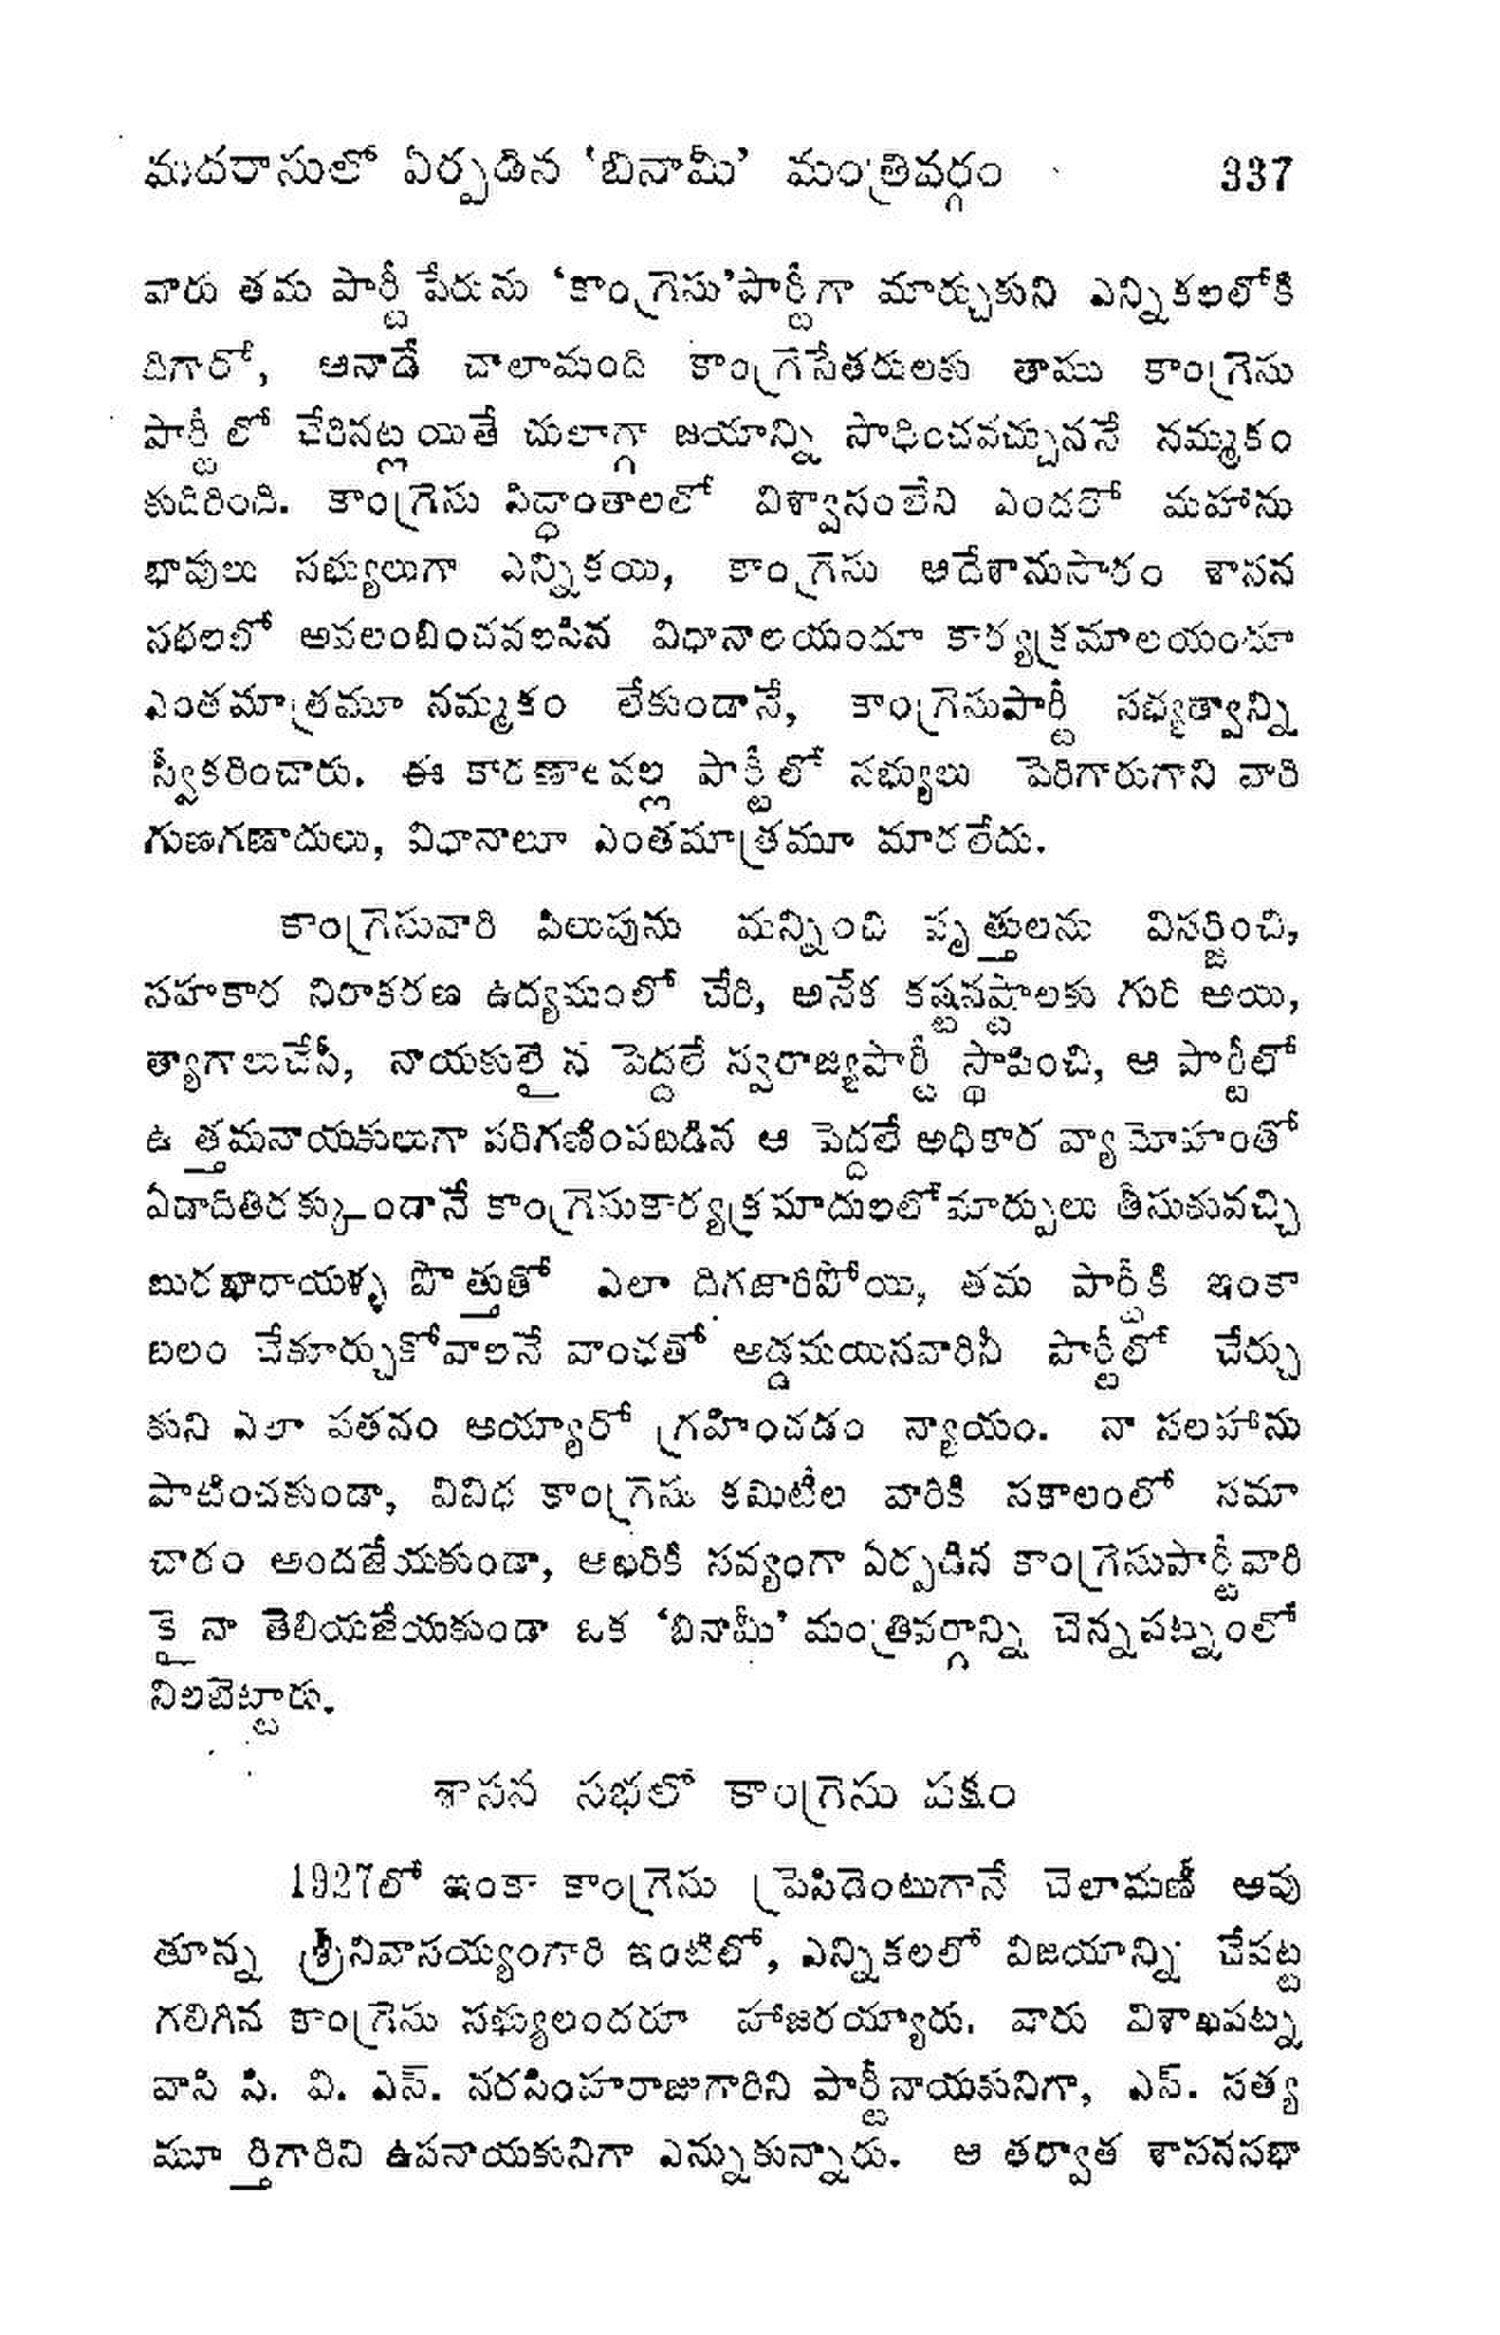వారు తమ పార్టీ పేరును "కాంగ్రెసు"పార్టీగా మార్చుకుని ఎన్నికలలోకి దిగారో, ఆనాడే చాలామంది కాంగ్రెసేతరులకు తాము కాంగ్రెసుపార్టీలో చేరినట్లయితే చులాగ్గా జయాన్ని సాధించవచ్చుననే నమ్మకం కుదిరింది. కాంగ్రెసు సిద్ధాంతాలలో విశ్వాసంలేని ఎందరో మహానుభావులు సభ్యులుగా ఎన్నికయి, కాంగ్రెసు ఆదేశానుసారం శాసన సభలలో అవలంబించవలసిన విధానాలయందూ కార్యక్రమాలయందూ ఎంతమాత్రమూ నమ్మకం లేకుండానే, కాంగ్రెసుపార్టీ సభ్యత్వాన్ని స్వీకరించారు. ఈ కారణాలవల్ల పార్టీలో సభ్యులు పెరిగారుగాని వారి గుణగుణాదులు, విధానాలూ ఎంతమాత్రమూ మారలేదు.

కాంగ్రెసువారి పిలుపును మన్నించి వృత్తులను విసర్జించి, సహకార నిరాకరణ ఉద్యమంలో చేరి, అనేక కష్టనష్టాలకు గురి అయి, త్యాగాలుచేసీ, నాయకులైన పెద్దలే స్వరాజ్యపార్టీ స్థాపించి, ఆ పార్టీలో ఉత్తమనాయకులుగా పరిగణింపబడిన ఆ పెద్దలే అధికార వ్యామోహంతో ఏడాదితిరక్కుండానే కాంగ్రెసుకార్యక్రమాదులలో మార్పులు తీసుకువచ్చి బురఖారాయళ్ళ పొత్తుతో ఎలా దిగజారిపోయి, తమ పార్టీకి ఇంకాబలం చేకూర్చుకోవాలనే వాంఛతో అడ్డమయినవారినీ పార్టీలో చేర్చుకుని ఎలా పతనం అయ్యారో గ్రహించడం న్యాయం. నా సలహాను పాటించకుండా, వివిధ కాంగ్రెసు కమిటీల వారికి సకాలంలో సమాచారం అందజేయకుండా, ఆఖరికి సవ్యంగా ఏర్పడిన కాంగ్రెసుపార్టీవారికైనా తెలియజేయకుండా ఒక "బినామీ" మంత్రివర్గాన్ని చెన్నపట్నంలో నిలబెట్టారు.

1927లో ఇంకా కాంగ్రెసు ప్రెసిడెంటుగానే చెలామణీ అవుతూన్న శ్రీనివాసయ్యంగారి ఇంటిలో, ఎన్నికలలో విజయాన్ని చేపట్ట గలిగిన కాంగ్రెసు సభ్యులందరూ హాజరయ్యారు. వారు విశాఖపట్నవాసి సి. వి. ఎస్. నరసింహరాజుగారిని పార్టీనాయకునిగా, ఎస్. సత్యమూర్తిగారిని ఉపనాయకునిగా ఎన్నుకున్నారు. ఆ తర్వాత శాసనసభా